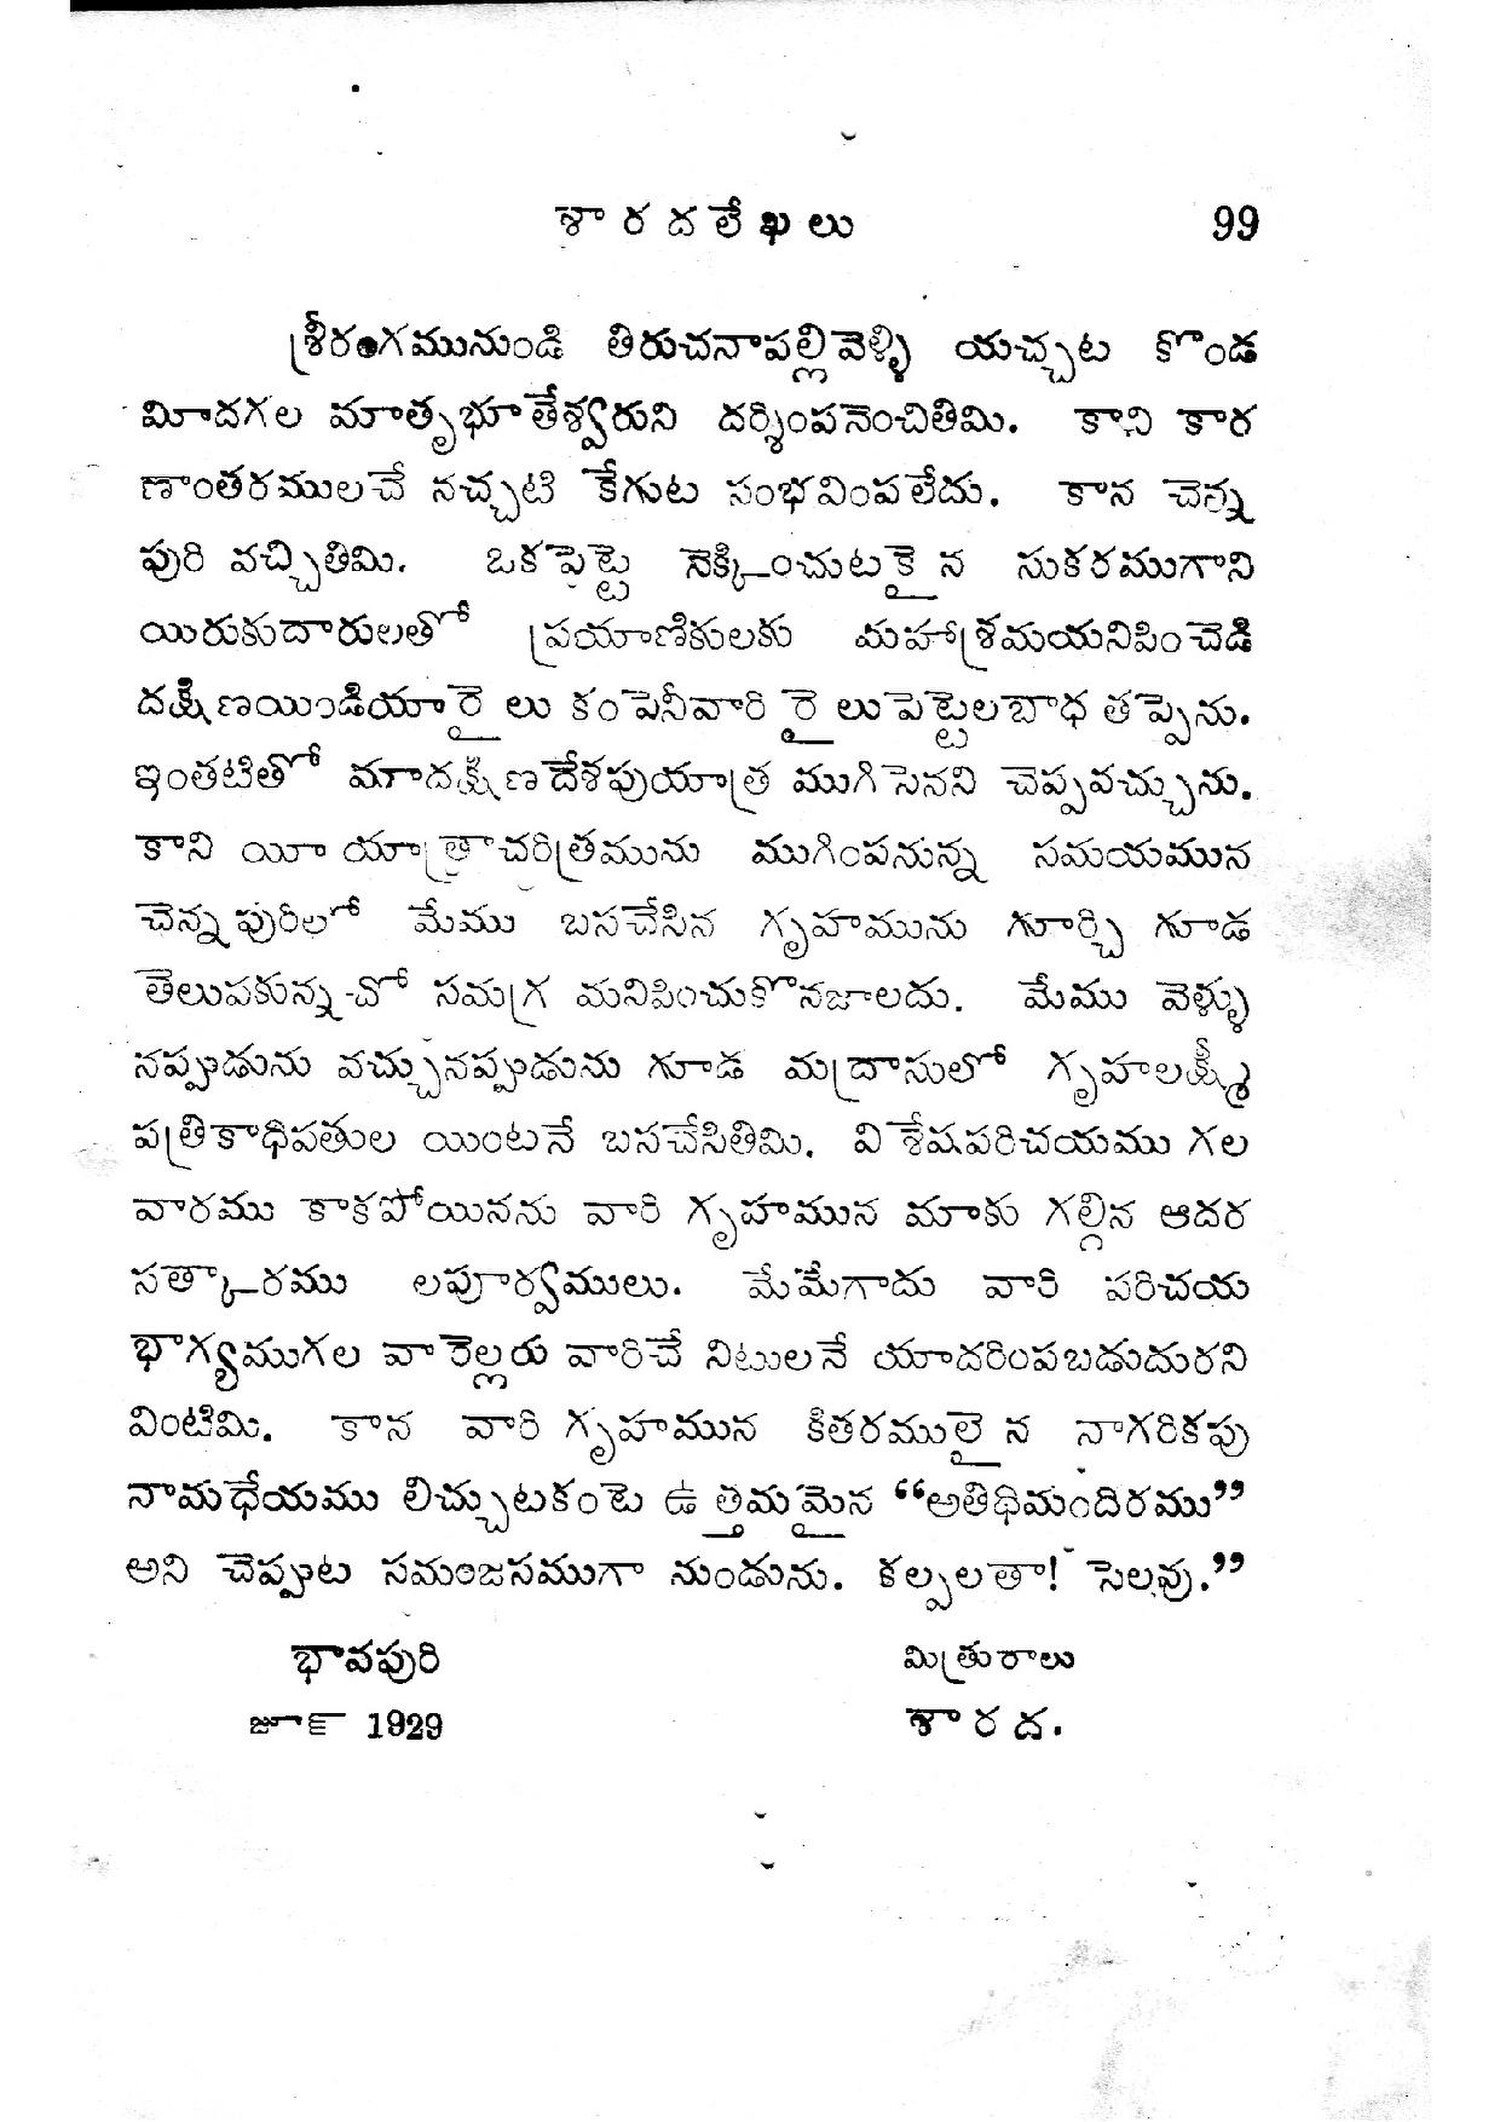శ్రీరంగమునుండి తిరుచనాపల్లివెళ్ళి యచ్చట కొండమీదగల మాతృభూతేశ్వరుని దర్శింపనెంచితిమి. కాని కారణాంతరములచే నచ్చటి కేగుట సంభవింపలేదు. కాన చెన్నపురి వచ్చితిమి. ఒకపెట్టె నెక్కించుటకైన సుకరముగాని యిరుకుదారులతో ప్రయాణికులకు మహాశ్రమయనిపించెడి దక్షిణయిండియారైలు కంపెనీవారి రైలుపెట్టెలబాధ తప్పెను. ఇంతటితో మాదక్షిణదేశపుయాత్ర ముగిసెనని చెప్పవచ్చును. కాని యీ యాత్రాచరిత్రమును ముగింపనున్న సమయమున చెన్నపురిలో మేము బసచేసిన గృహమును గూర్చి గూడ
తెలుపకున్నచో సమగ్ర మనిపించుకొనజాలదు. మేము వెళ్ళునప్పుడును వచ్చునప్పుడును గూడ మద్రాసులో గృహలక్ష్మీ పత్రికాధిపతుల యింటనే బసచేసితిమి. విశేషపరిచయము గలవారము కాకపోయినను వారి గృహమున మాకు గల్గిన ఆదర సత్కారము లపూర్వములు. మేమేగాదు వారి పరిచయ భాగ్యముగల వారెల్లరు వారిచే నిటులనే యాదరింపబడుదురని వింటిమి. కాన వారి గృహమున కితరములైన నాగరికపు
నామధేయము లిచ్చుటకంటె ఉత్తమమైన “అతిథిమందిరము” అని చెప్పుట సమంజసముగా నుండును. కల్పలతా! సెలవు.”